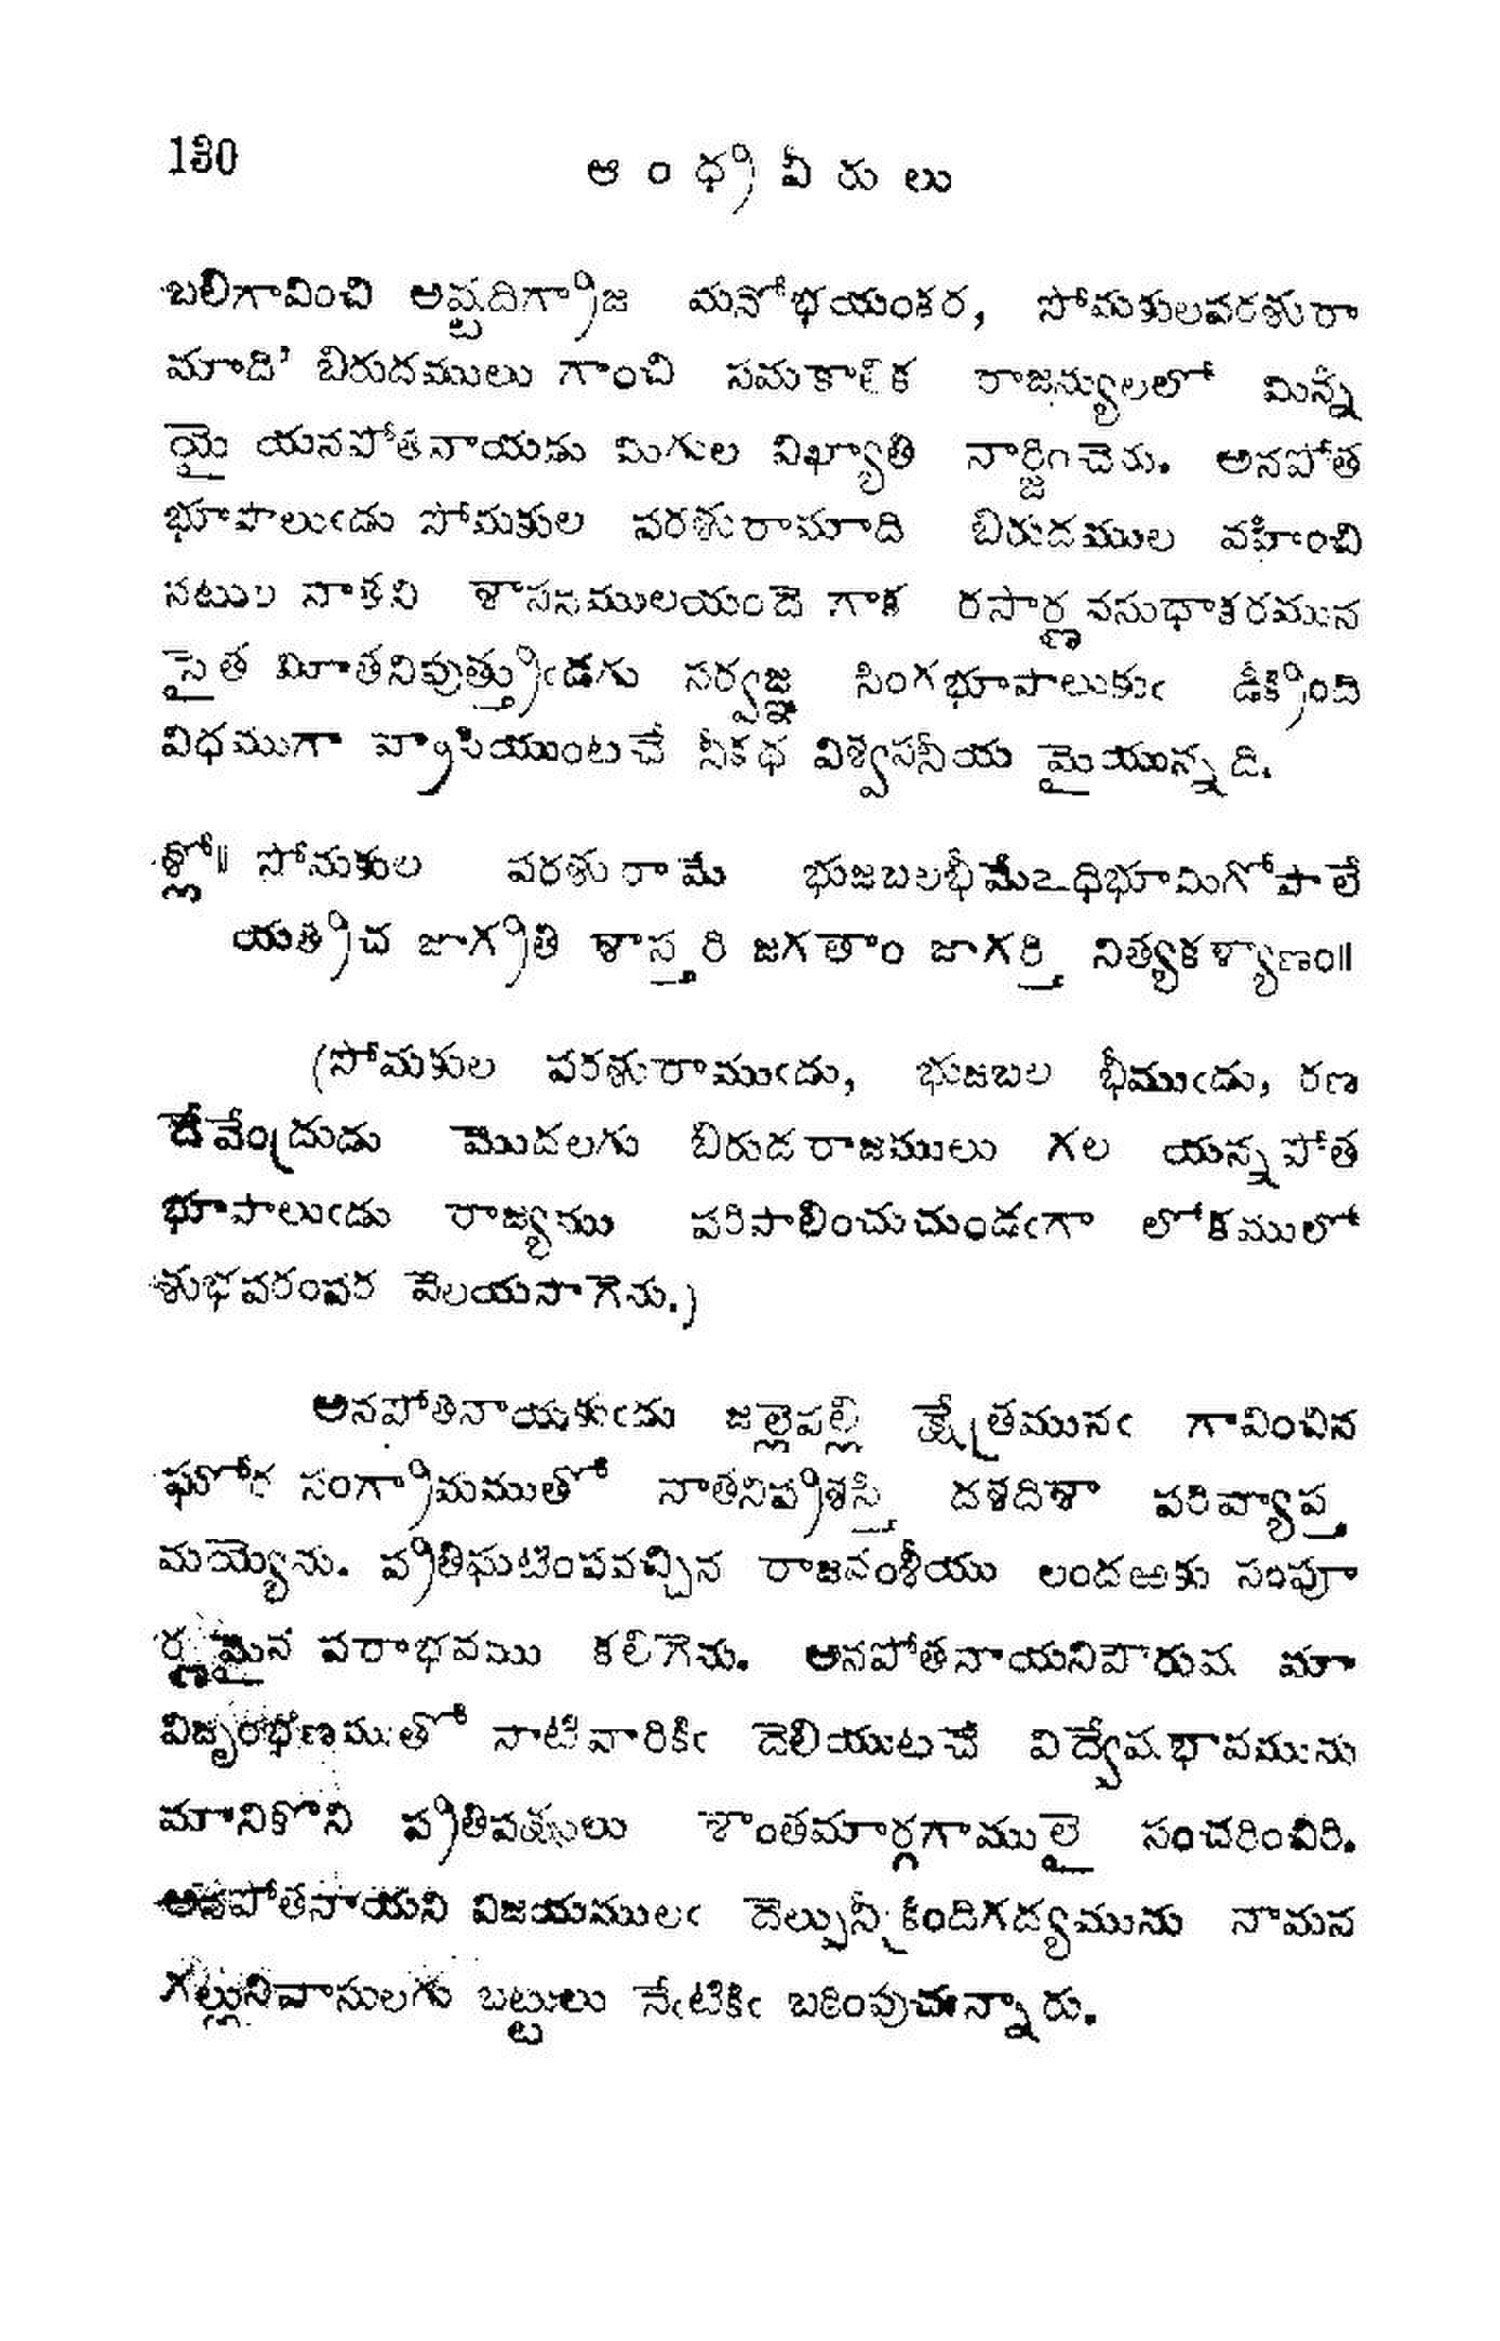బలిగావించి అష్టదిగ్రాజ మనోభయంకర, సోమకులపరశురామాది' బిరుదములు గాంచి సమకాలిక రాజన్యులలో మిన్నయై యనపోతనాయడు మిగుల విఖ్యాతి నార్జించెను. అనపోతభూపాలుడు సోమకుల పరశురామాది బిరుదముల వహించినటుల నాతని శాసనములయందె గాక రసార్ణవసుధాకరమున సైత మీతనిపుత్రుడగు సర్వజ్ఞ సింగభూపాలుకు డీక్రింది విధముగా వ్రాసియుంటచే నీకథ విశ్వసనీయ మైయున్నది.

శ్లో|| సోమకుల పరశురామే భుజబలభీమేధిభూమిగోపాలే
 యత్రచ జాగ్రతి శాస్తరి జగతాం జాగర్తి నిత్యకళ్యాణం||

(సోమకుల పరశురాముడు, భుజబల భీముడు, రణదేవేంద్రుడు మొదలగు బిరుదరాజములు గల యన్నపోత భూపాలుడు రాజ్యము పరిపాలించుచుండగా లోకములో శుభపరంపర వెలయసాగెను.)

అనపోతనాయకుడు జల్లెపల్లి క్షేత్రమున గావించిన ఘోర సంగ్రామముతో నాతనిప్రశస్తి దశదిశా పరివ్యాప్త మయ్యెను. ప్రతిఘటింపవచ్చిన రాజవంశీయు లందఱకు సంపూర్ణమైన పరాభవము కలిగెను. అనపోతనాయనిపౌరుష మా విజృంభణముతో నాటివారికి దెలియుటచే విద్వేషభావమును మానికొని ప్రతిపక్షులు శాంతమార్గగాములై సంచరించిరి. అనపోతనాయని విజయముల దెల్పునీక్రిందిగద్యమును నామన గల్గునివాసులగు బట్టులు నేటికి బఠింపుచున్నారు.